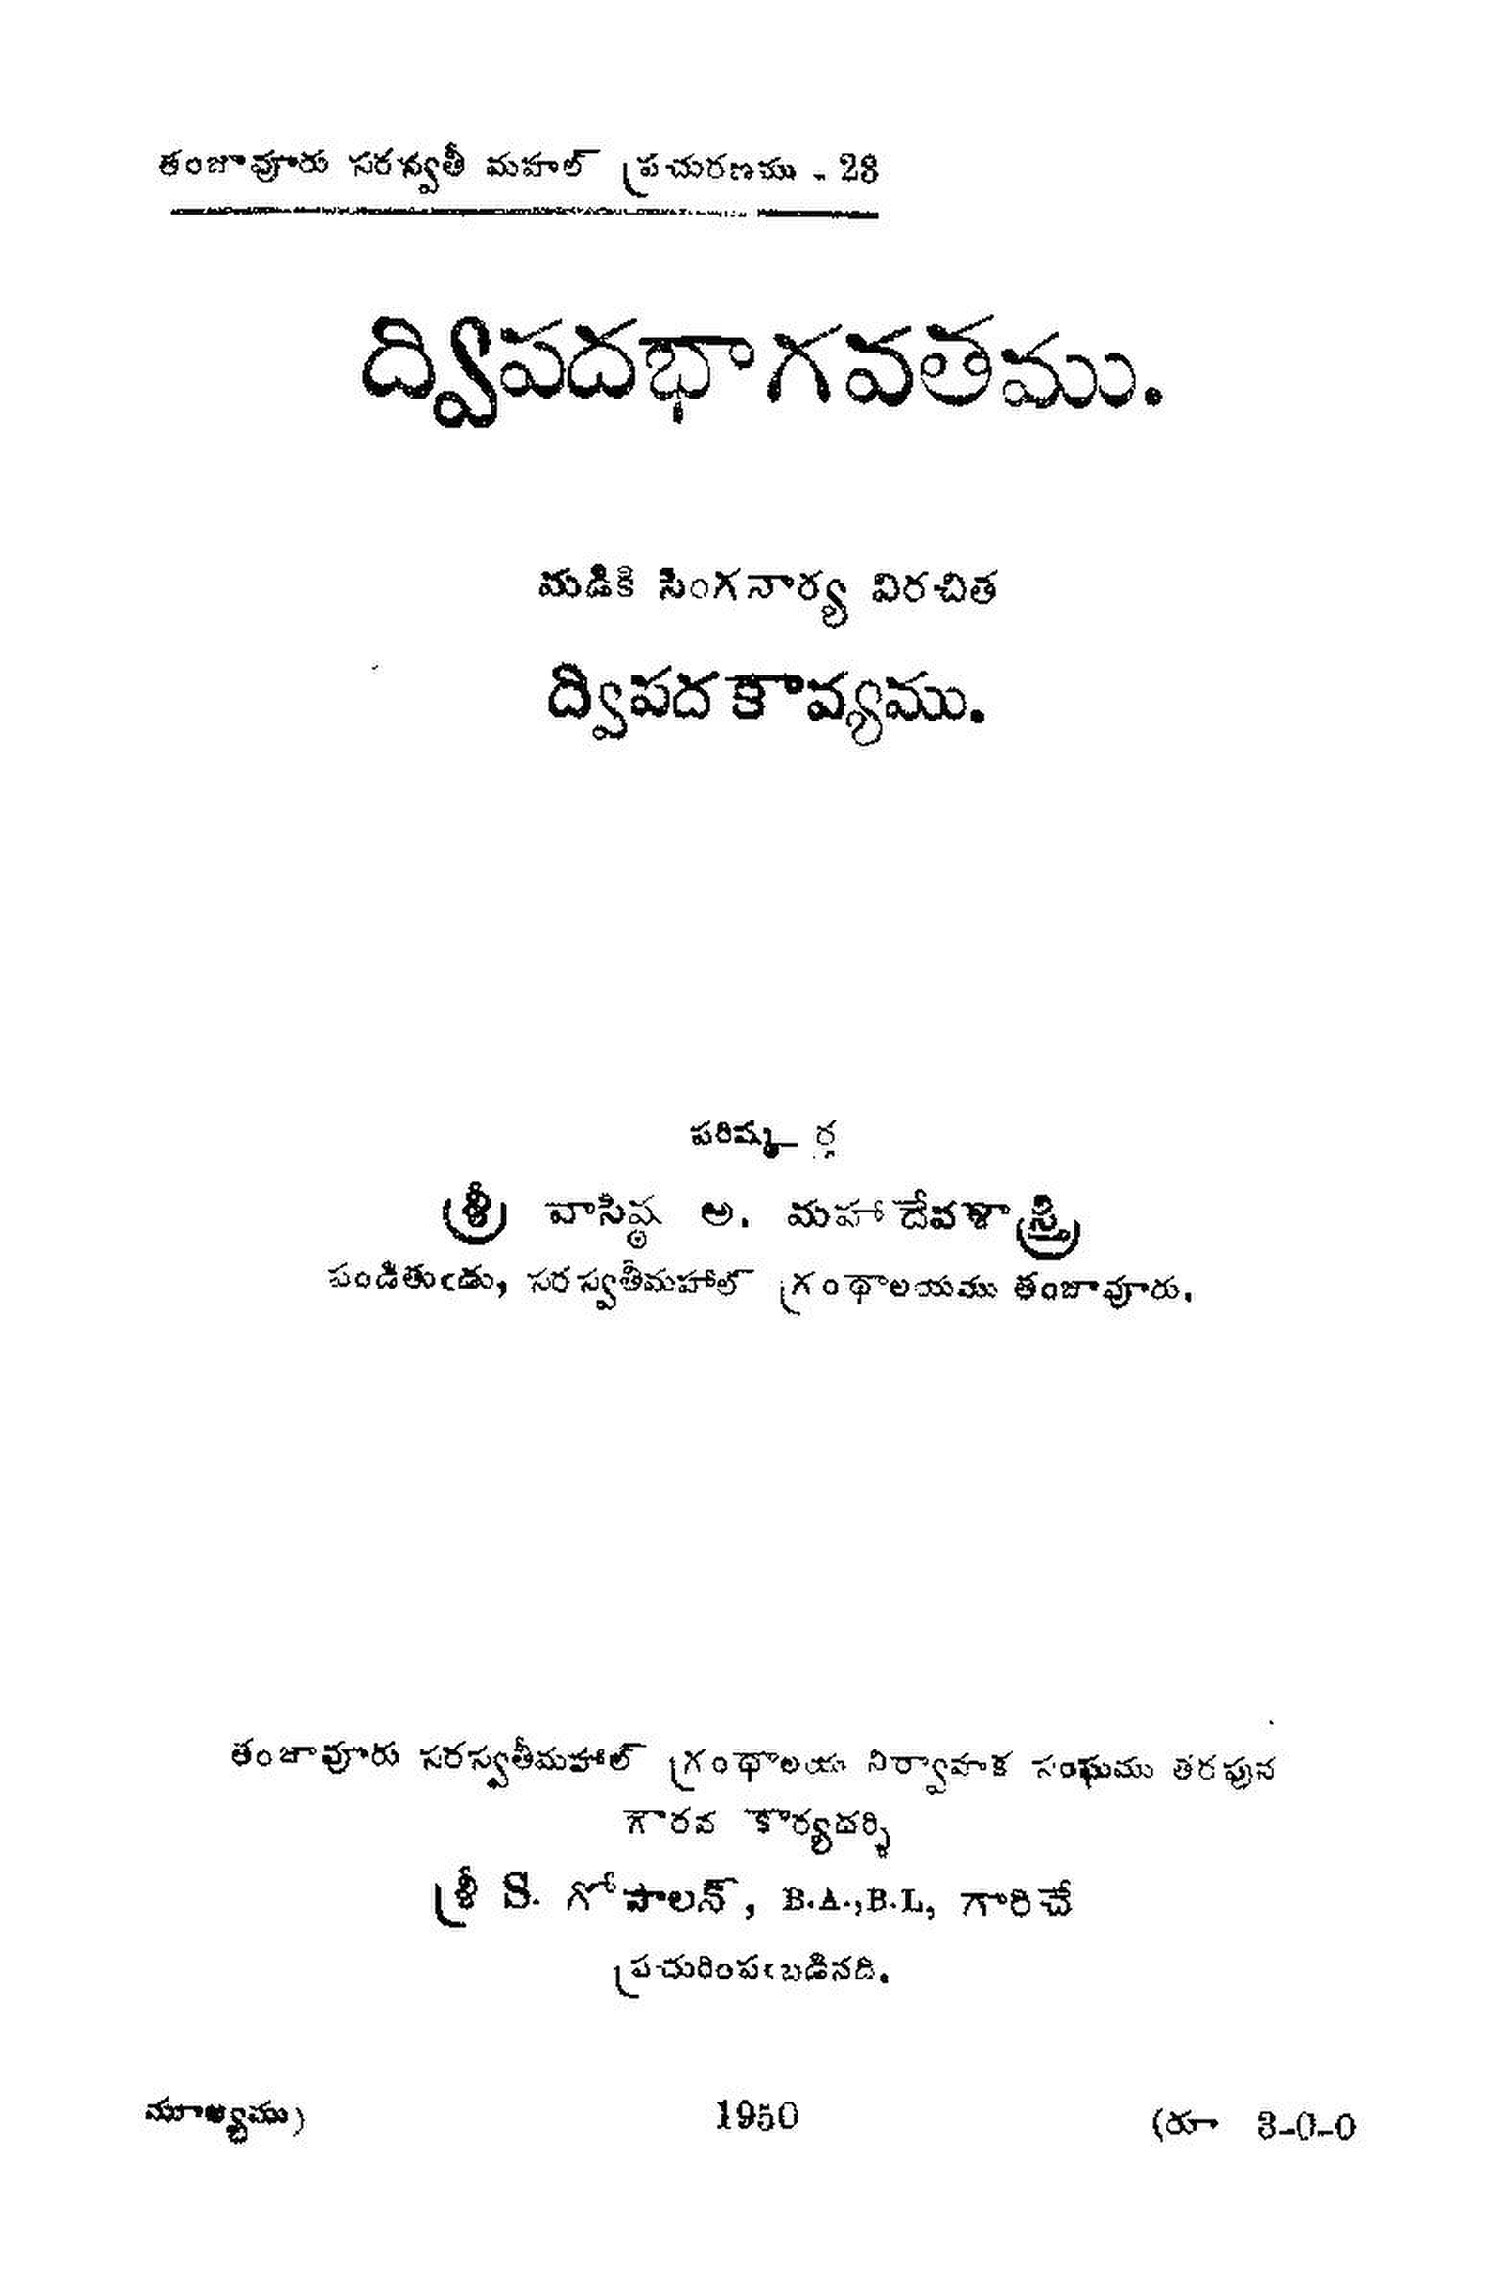తంజావూరు సరస్వతీ మహల్ ప్రచురణము - 23

ద్విపదభాగవతము.

ద్విపదకావ్యము.